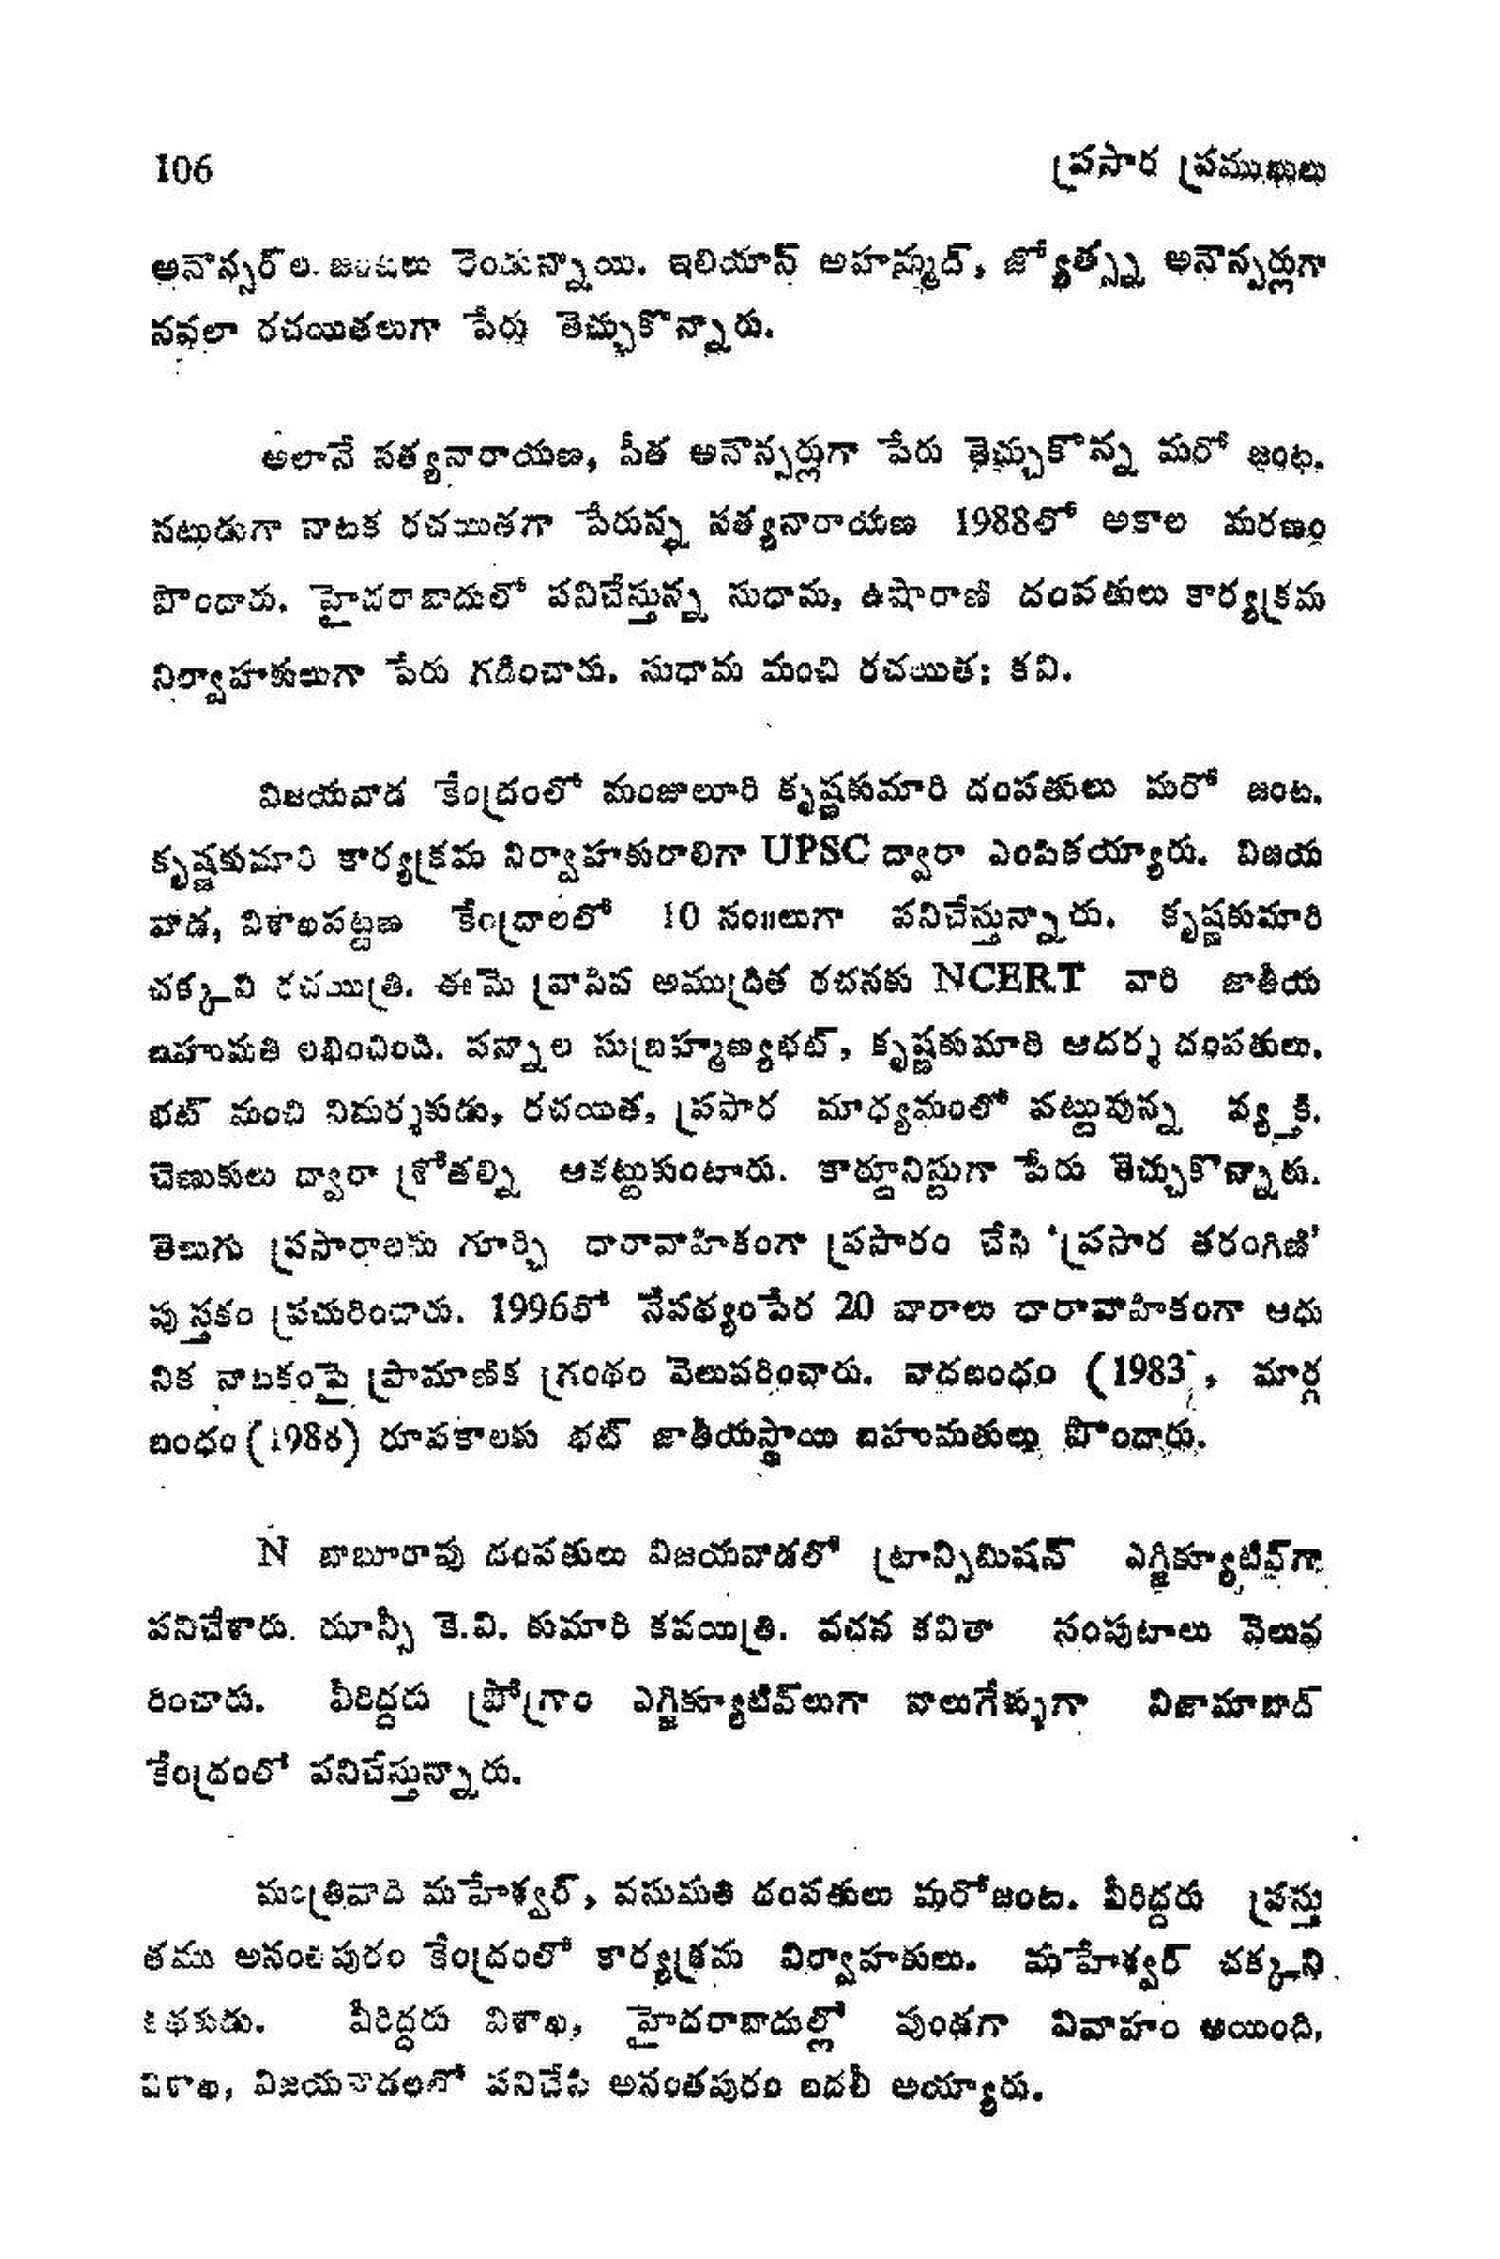అనౌన్సర్‌ల జంటలు రెండున్నాయి. ఇలియాస్ అహమ్మద్, జ్యోత్స్న అనౌనర్లుగా నవలా రచయితలుగా పేరు తెచ్చుకొన్నారు.

అలానే సత్యనారాయణ, సీత అనౌన్సర్లుగా పేరు తెచ్చుకొన్న మరో జంట. నటుడుగా నాటక రచయితగా పేరున్న సత్యనారాయణ 1988లో అకాల మరణం పొందారు. హైదరాబాదులో పనిచేస్తున్న సుధామ, ఉషారాణి దంపతులు కార్యక్రమ నిర్వాహకులుగా పేరు గడించారు. సుధామ మంచి రచయిత : కవి.

విజయవాడ కేంద్రంలో మంజులూరి కృష్ణకుమారి దంపతులు మరో జంట. కృష్ణకుమారి కార్యక్రమ నిర్వాహకురాలిగా UPSC ద్వారా ఎంపికయ్యారు. విజయవాడ, విశాఖపట్టణ కేంద్రాలలో 10 స. లుగా పనిచేస్తున్నారు. కృష్ణకుమారి చక్కని రచయిత్రి. ఈమె వ్రాసిన అముద్రిత రచనకు NCERT వారి జాతీయ బహుమతి లభించింది. పన్నాల సుబ్రహ్మణ్యభట్, కృష్ణకుమారి ఆదర్శ దంపతులు. భట్ మంచి విమర్శకుడు, రచయిత, ప్రసార మాధ్యమంలో పట్టువున్న వ్యక్తి. చెణుకులు ద్వారా శ్రోతల్ని ఆకట్టుకుంటారు. కార్టూనిస్టుగా పేరు తెచ్చుకొన్నారు. తెలుగు ప్రసారాలకు గూర్చి దారావాహికంగా ప్రసారం చేసి 'ప్రసార తరంగిణి' పుస్తకం ప్రచురించారు. 1996లో నేపథ్యంపేర 20 వారాలు దారావాహికంగా ఆధునిక నాటకంపై ప్రామాణిక గ్రంథం వెలువరించారు. వాదబంధం (1983), మార్గబంధం(1988) రూపకాలకు భట్ జాతీయస్థాయి బహుమతులు పొందారు.

N. బాబూరావు దంపతులు విజయవాడలో ట్రాన్సిమిషన్ ఎగ్జిక్యూటివ్‌గా పనిచేశారు. ఝాన్సీ కె. వి. కుమారి కపయిత్రి. వచన కవితా సంపుటాలు వెలువరించారు. వీరిద్దరు ప్రోగ్రాం ఎగ్జిక్యూటివ్‌లుగా నాలుగేళ్ళుగా నిజామాబాద కేంద్రంలో పనిచేస్తున్నారు.

మంత్రవాది మహేశ్వర్, వసుమతి దంపతులు మరోజంట. వీరిద్దరు ప్రస్తుతము అనంతపురం కేంద్రంలో కార్యక్రమ నిర్వాహకులు. మహేశ్వర్ చక్కని కథకుడు. వీరిద్దరు విశాఖ, హైదరాబాదుల్లో వుండహా వివాహం అయింది. విశాఖ, విజయవాడలలో పనిచేసి అనంతపురం బదలీ అయ్యారు.